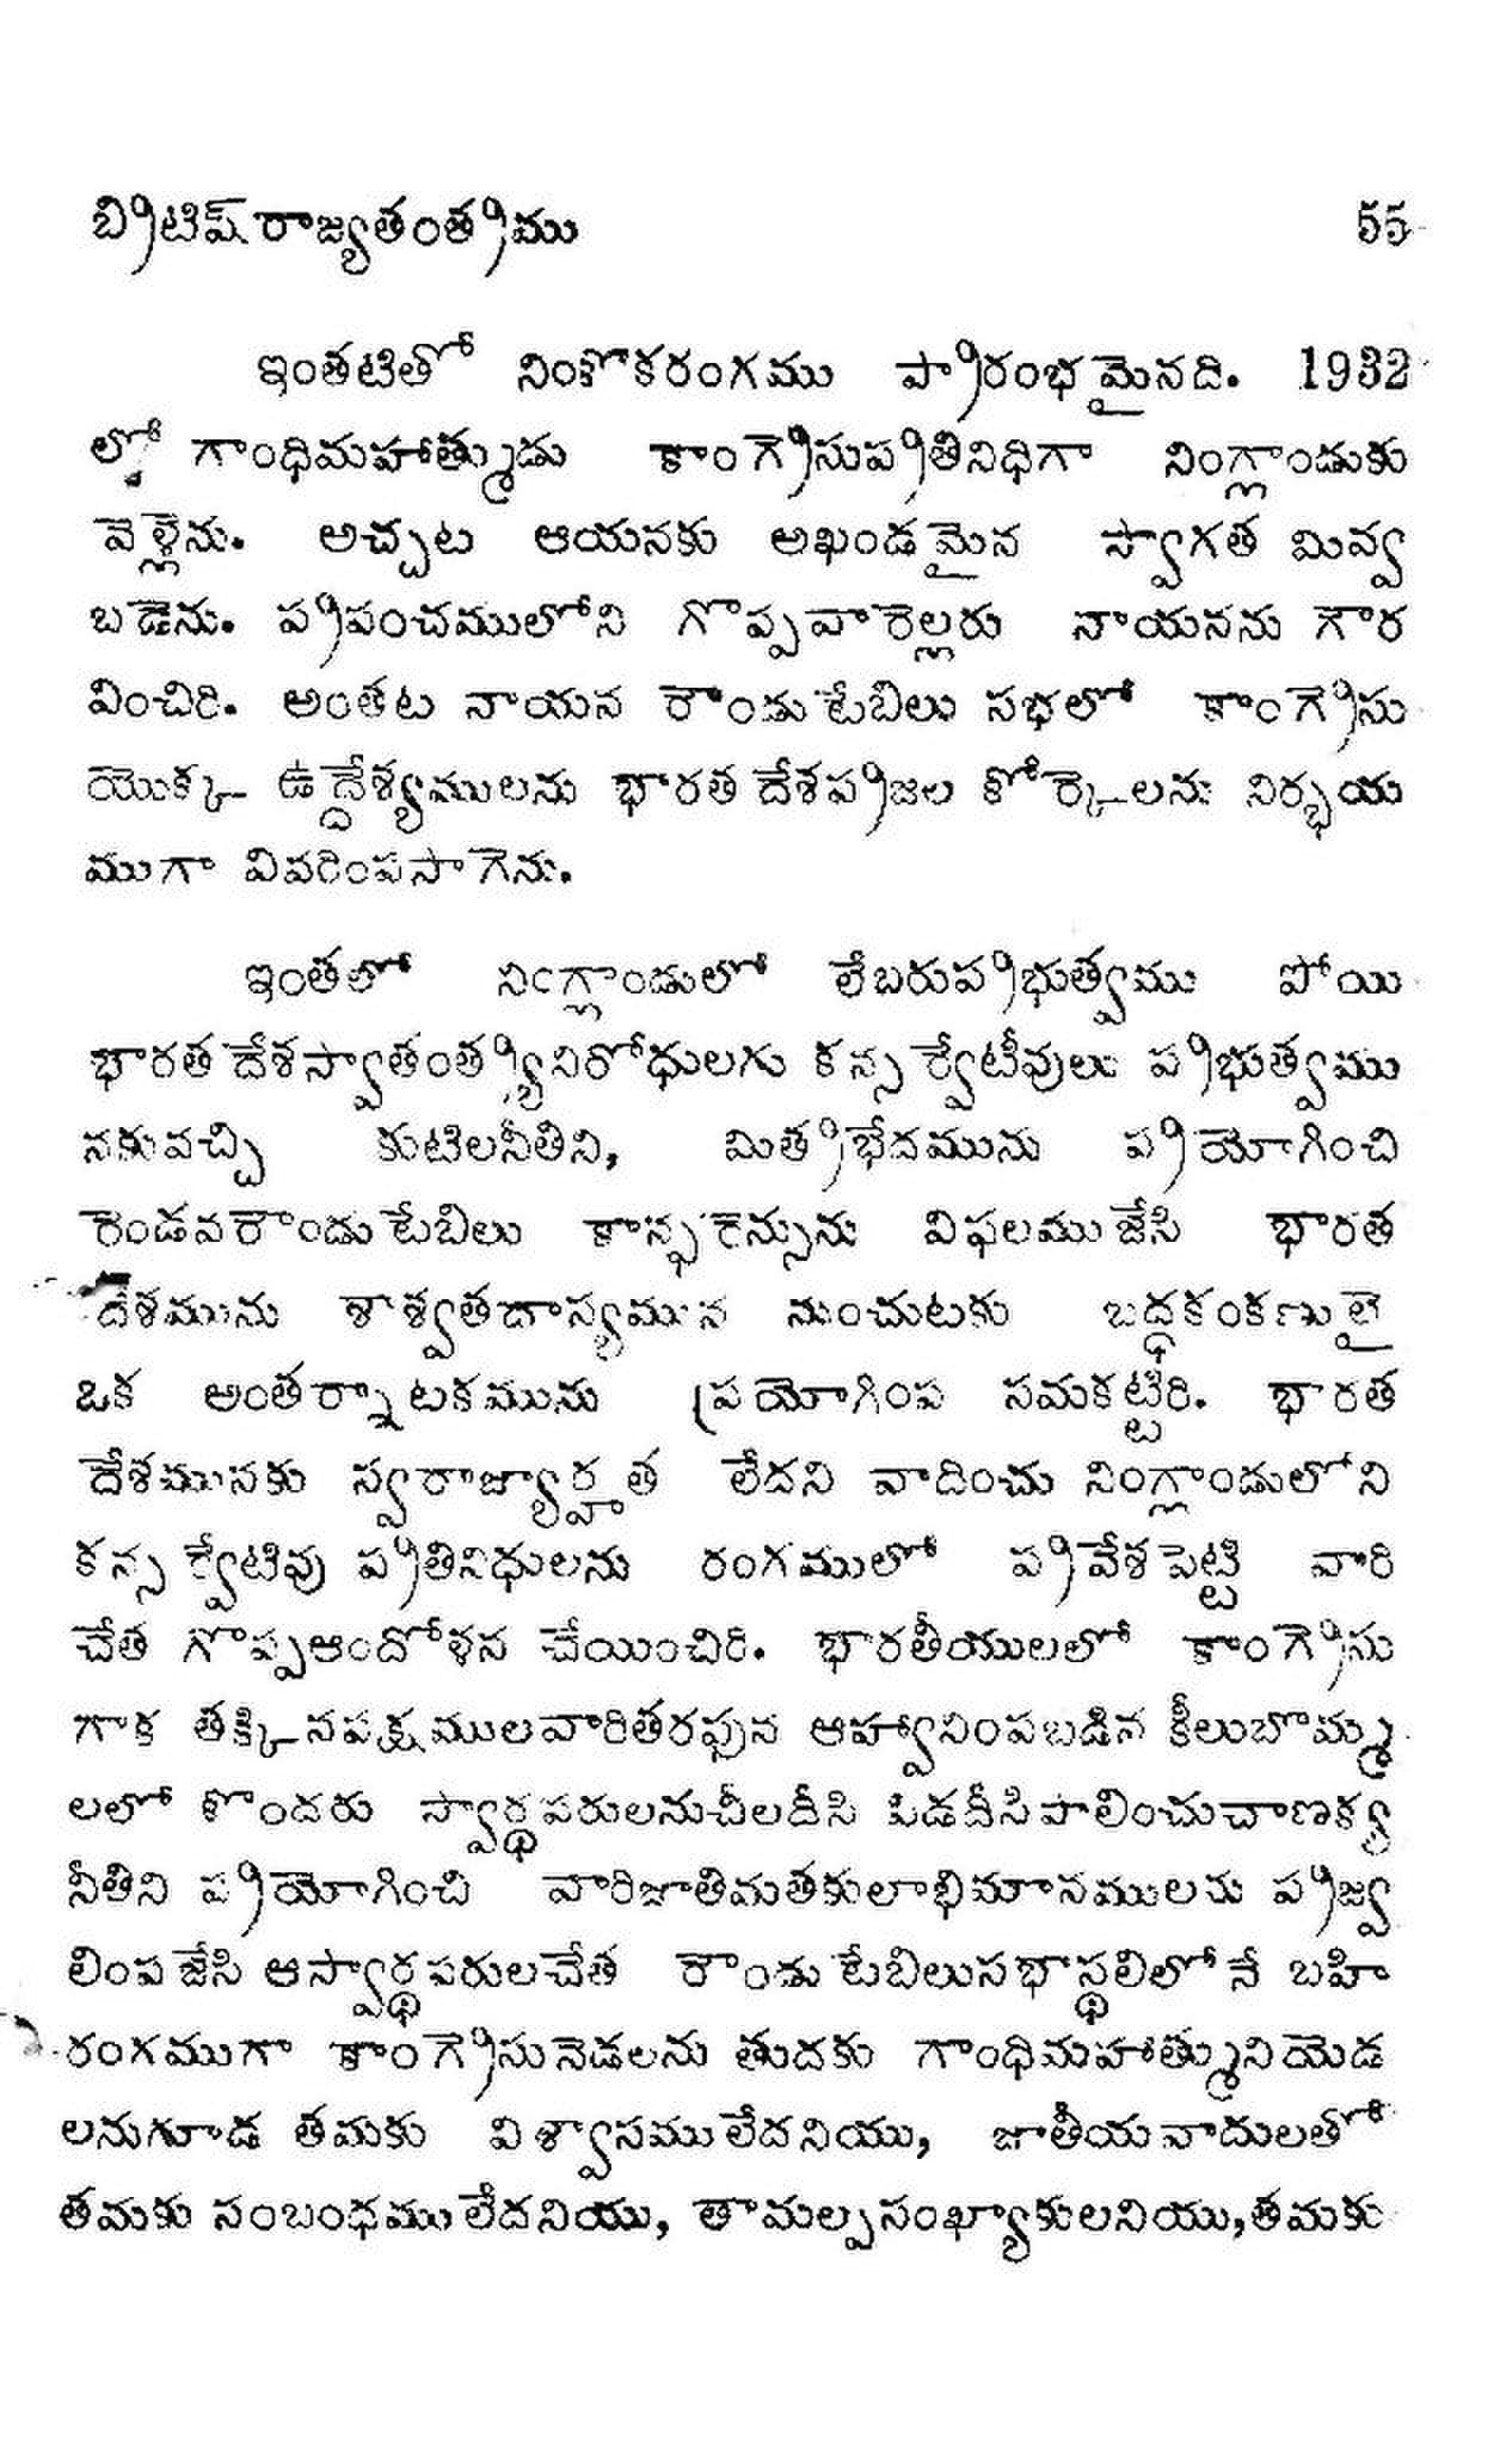ఇంతటితో నింకొకరంగము ప్రారంభమైనది. 1932 లో గాంధిమహాత్ముడు కాంగ్రెసుప్రతినిధిగా నింగ్లాండుకు వెళ్లెను. అచ్చట ఆయనకు అఖండమైన స్వాగత మివ్వబడెను. ప్రపంచములోని గొప్పవారెల్లరు నాయనను గౌరవించిరి. అంతట నాయన రౌండుటేబిలు సభలో కాంగ్రెసుయొక్క ఉద్దేశ్యములను భారత దేశప్రజల కోర్కెలను నిర్భయముగా వివరింపసాగెను.

ఇంతలో నింగ్లాండులో లేబరుప్రభుత్వము పోయి భారతదేశస్వాతంత్వనిరోధులగు కన్సర్వేటివులు, ప్రభుత్వమునకువచ్చి కుటిలనీతిని, మిత్రభేదమును ప్రయోగించి రెండవరౌండుటేబిలు కాన్ఫరెన్సును విఫలముజేసి భారతదేశమును శాశ్వతదాస్యమున నుంచుటకు బద్దకంకణులై ఒక అంతర్నాటకమును ప్రయోగింప సమకట్టిరి. భారతదేశమునకు స్వరాజ్యార్హత లేదని వాదించు నింగ్లాండులోని కన్సర్వేటివు ప్రతినిధులను రంగములో ప్రవేశపెట్టి వారిచేత గొప్పఆందోళన చేయించిరి. భారతీయులలో కాంగ్రెసు గాక తక్కినపక్షములవారితరఫున ఆహ్వానింపబడిన కీలుబొమ్మలలో కొందరు స్వార్థపరులనుచీలదీసి విడదీసిపాలించుచాణక్య నీతిని ప్రయోగించి వారిజాతిమతకులాభిమానములను ప్రజ్వలింపజేసి ఆస్వార్ధపరులచేత రౌండుటేబిలుసభాస్థలిలోనే బహిరంగముగా కాంగ్రెసునెడలను తుదకు గాంధిమహాత్మునియెడలను గూడ తమకు విశ్వాసములేదనియు, జాతీయవాదులతో తమకుసంబంధములేదనియు, తామల్పసంఖ్యాకులనియు, తమకు